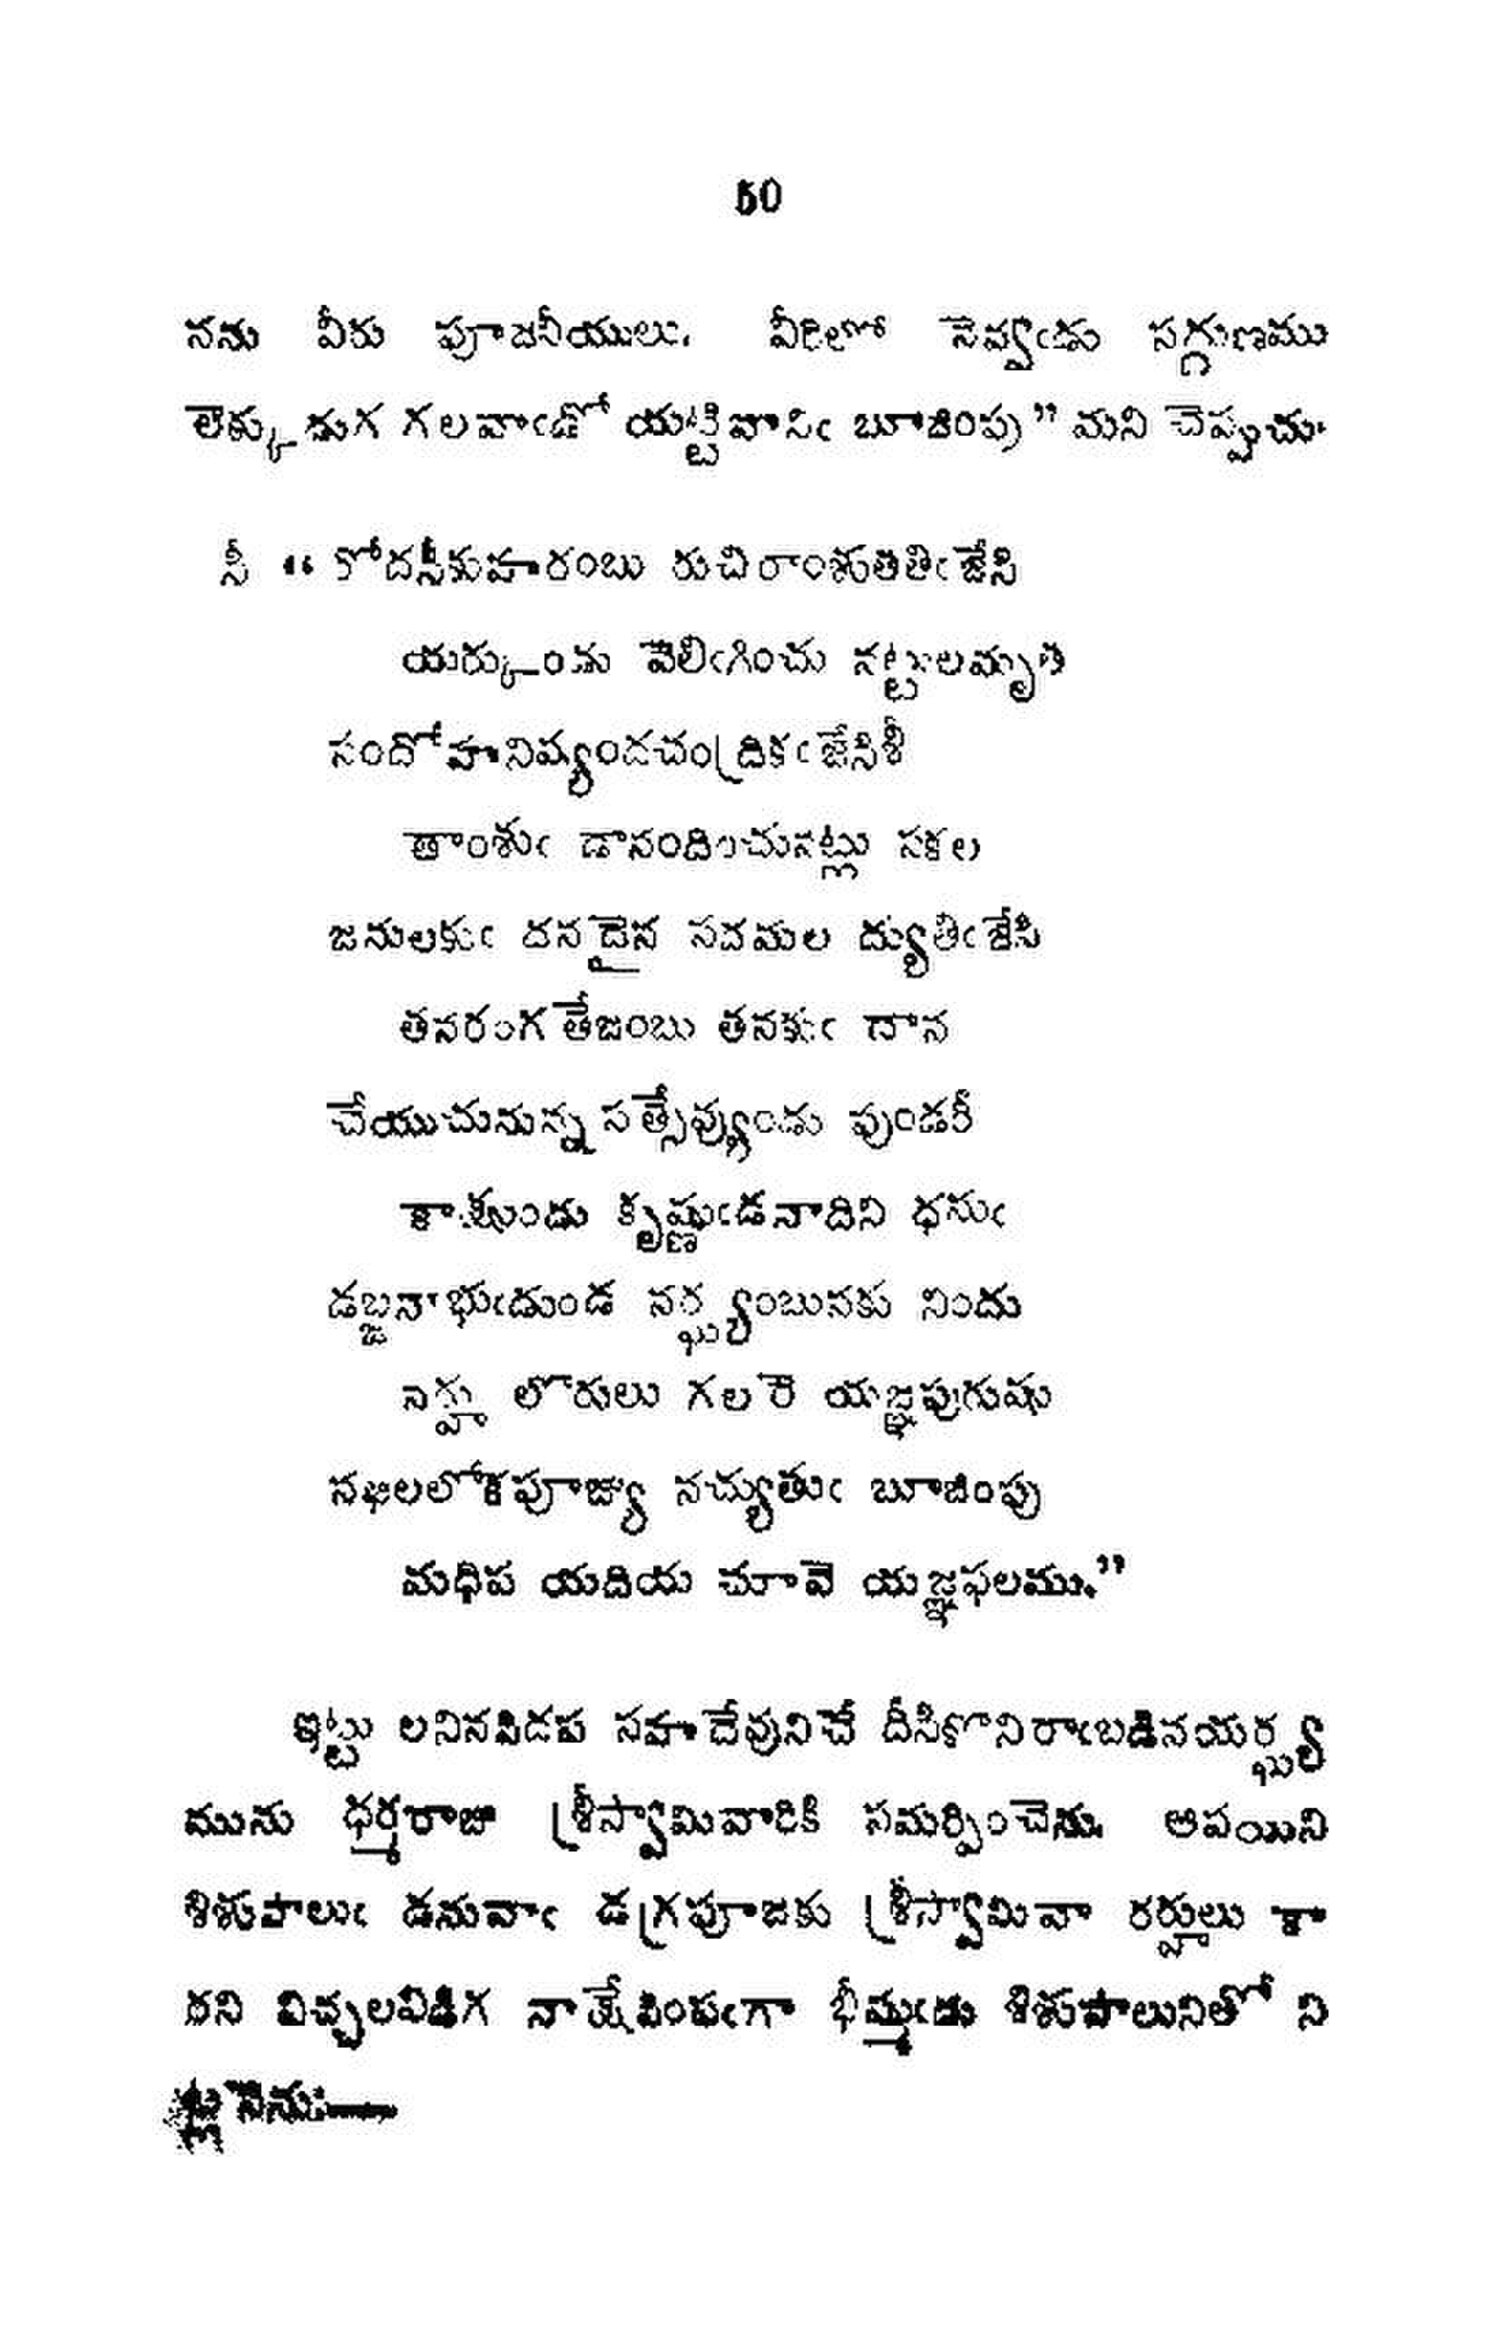నను వీరు పూజనీయులు. వీరిలో నెవ్వఁడు సద్గుణము లెక్కుడుగ గలవాఁడో యట్టివానిఁ బూజింపు " మని చెప్పుచు.

సీ. రోదసీకుహరంబు రుచిరాంశుతతిఁజేసి
 యర్కుండు వెలిఁగించు నట్టులమృత
 సందోహనిష్యందచంద్రికఁ జేసిశీ
 తాంశుఁ డానందించునట్లు సకల
 జనులకుఁ దనదైన సదమల ద్యుతిఁజేసి
 తనరంగతేజంబు తనకుఁ దాన
 చేయుచునున్న సత్సేవ్యుండు వుండరీ
 కాక్షుండు కృష్ణుఁడనాదిని ధనుఁ
 డబ్జనాభుఁడుండ నర్ఘ్యంబునకు నిందు
 నర్హు లొరులు గలరె యజ్ఞపురుషు
 నఖిలలోకపూజ్యు నచ్యుతుఁ బూజింపు
 మధిప యదియ చూవె యజ్ఞఫలము."
ఇట్టు లనినపిదప సహదేవునిచే దీసికొనిరాఁబడినయర్ఘ్యమును ధర్మరాజు శ్రీస్వామివారికి సమర్పించెను. అపయిని శిశుపాలుఁ డనువాఁ డగ్రపూజకు శ్రీస్వామివా రర్హులు కారని విచ్చలవిడిగ నాక్షేపింపఁగా భీష్ముడు శిశుపాలునితో నిట్లనెను:-